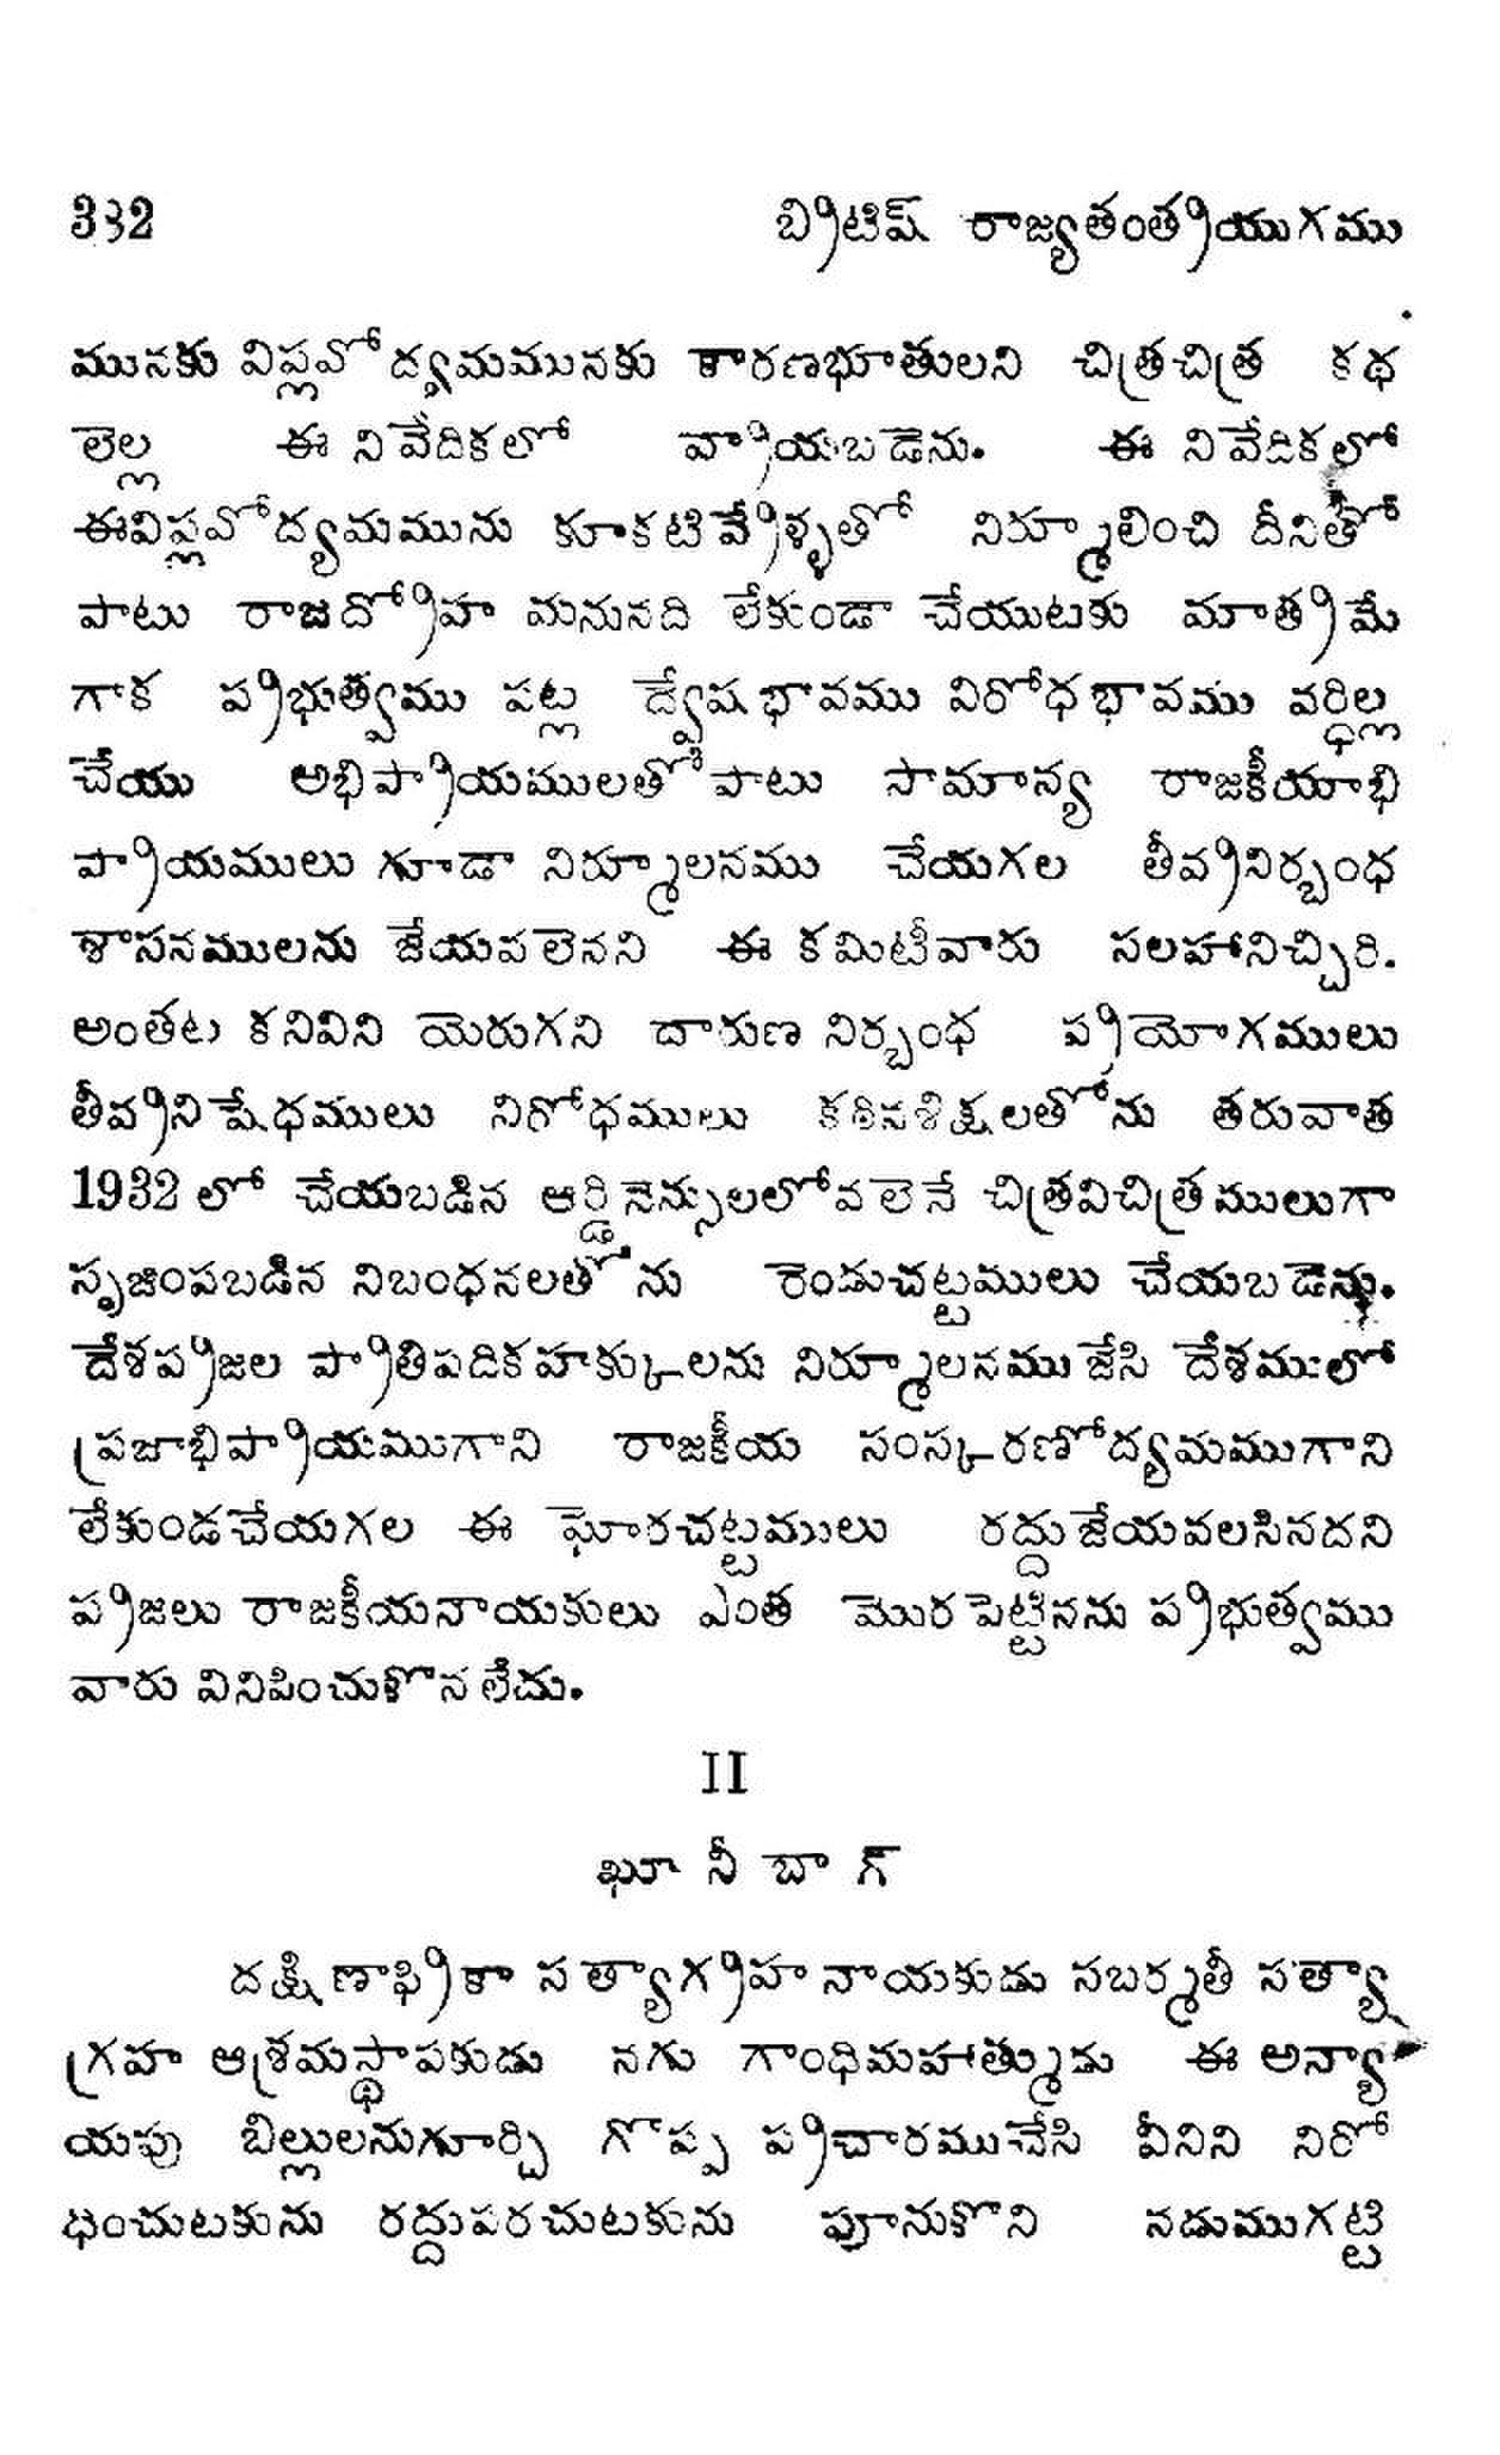మునకు విప్లవోద్యమమునకు కారణభూతులని చిత్రచిత్ర కథలెల్ల ఈనివేదికలో వ్రాయబడెను. ఈ నివేదికలో ఈవిప్లవోద్యమమును కూకటివ్రేళ్ళతో నిర్మూలించి దీనితోపాటు రాజద్రోహ మనునది లేకుండా చేయుటకు మాత్రమే గాక ప్రభుత్వము పట్ల ద్వేషభావము విరోధభావము వర్ధిల్లచేయు అభిప్రాయములతో పాటు సామాన్య రాజకీయాభిప్రాయములు గూడా నిర్మూలనము చేయగల తీవ్రనిర్బంధ శాసనములను జేయవలెనని ఈ కమిటీవారు సలహానిచ్చిరి. అంతట కనివిని యెరుగని దారుణ నిర్బంధ ప్రయోగములు తీవ్రనిషేధములు నిరోధములు కఠినశిక్షలతోను తరువాత 1932 లో చేయబడిన ఆర్డినెన్సులలోవలెనే చిత్రవిచిత్రములుగా సృజింపబడిన నిబంధనలతోను రెండుచట్టములు చేయబడెను. దేశప్రజల ప్రాతిపదికహక్కులను నిర్మూలనముజేసి దేశములో ప్రజాభిప్రాయముగాని రాజకీయ సంస్కరణోద్యమముగాని లేకుండచేయగల ఈ ఘోరచట్టములు రద్దుజేయవలసినదని ప్రజలు రాజకీయనాయకులు ఎంత మొరపెట్టినను ప్రభుత్వము వారు వినిపించుకొనలేదు.

II
ఖూనీబాగ్

దక్షిణాఫ్రికా సత్యాగ్రహ నాయకుడు సబర్మతీ సత్యాగ్రహ ఆశ్రమస్థాపకుడు నగు గాంధిమహాత్ముడు ఈ అన్యాయపు బిల్లులనుగూర్చి గొప్ప ప్రచారముచేసి వీనిని నిరోధించుటకును రద్దుపరచుటకును పూనుకొని నడుముగట్టి